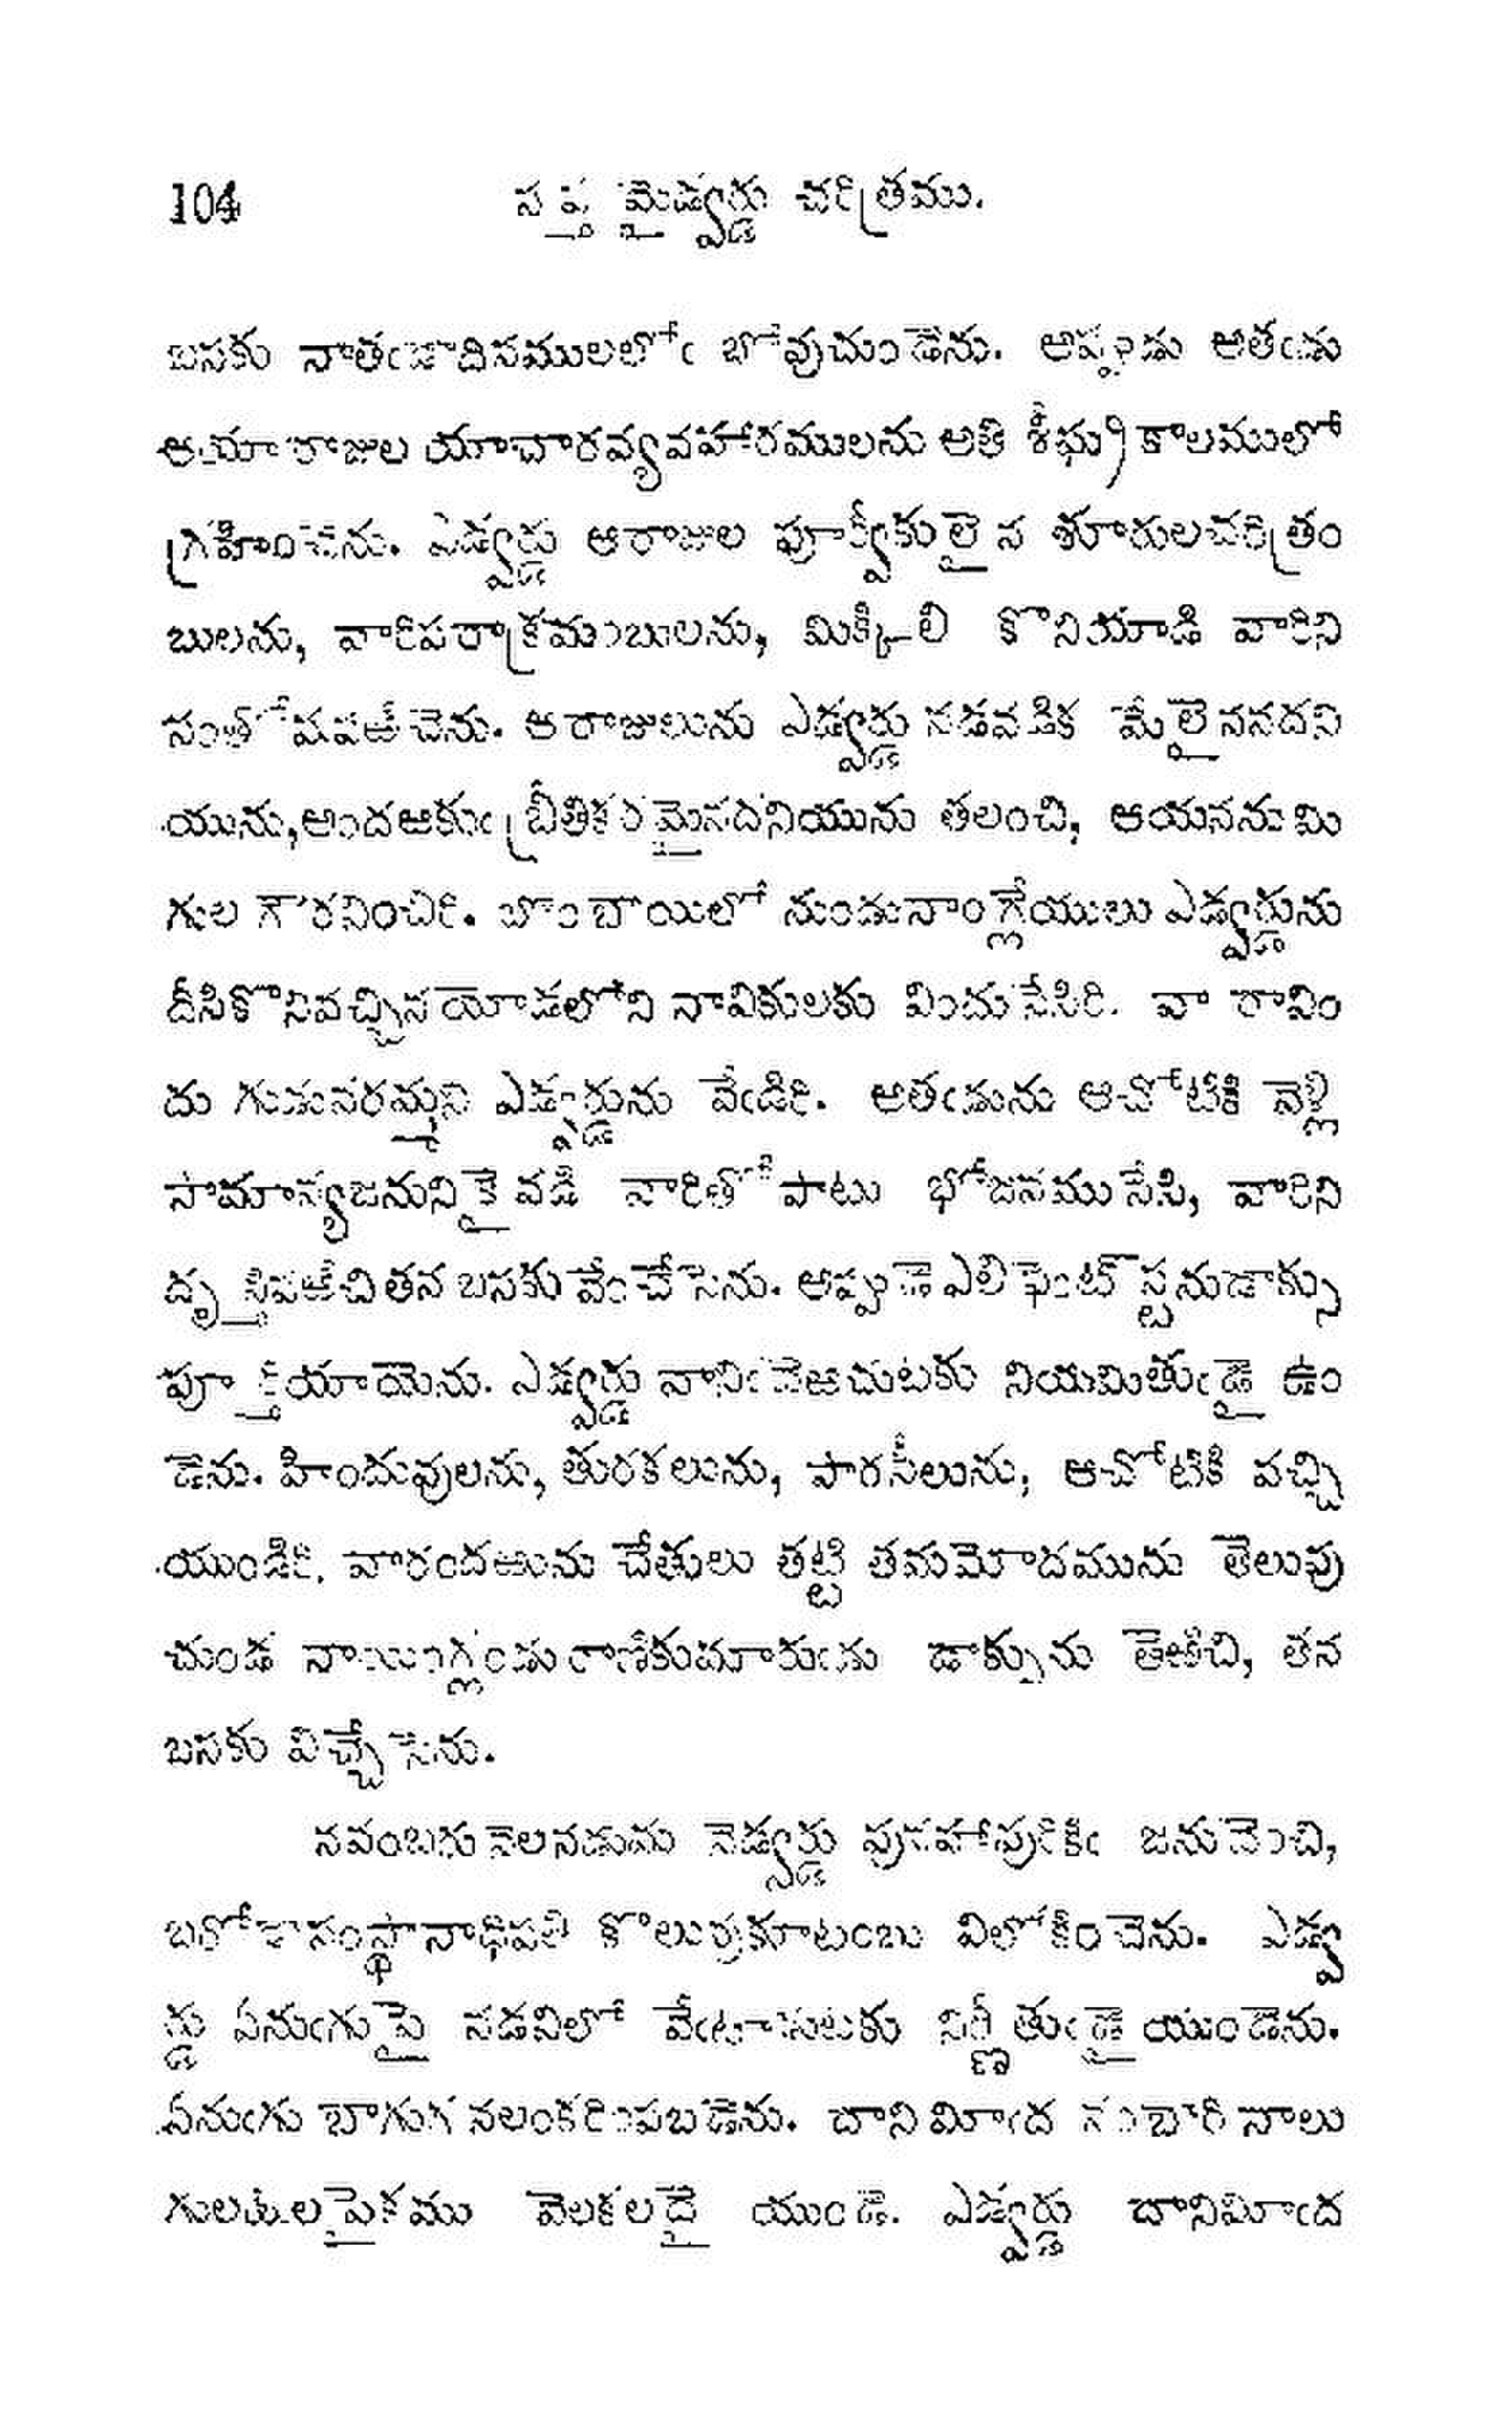బసకు నాతడాదిసములలోఁ బోవుచుండెను. అప్పుడు అతను అయా రాజుల యాచార వ్యవహారములను అతి శీఘ్ర కాలములో గ్రహించెను. ఎడ్వర్డు ఆ రాజుల పూర్వీకులైన శూరులచరిత్రం బును, వారి పరాక్రమబులను, మిక్కిలి కొనియాడి వారిని సంతోష పరచెచెను. ఆ రోజులును ఎడ్వర్లు నడవడిక "మేలైననదని యును అందరకుఁ బ్రీతికర మైన దనియును తలంచి, ఆయనను మి గుల గారవించి. బొంబాయిలో నుండు నాంగ్లేయులు ఎడ్వర్డును దీసికొని వచ్చిన యోడలోని నావికులకు విందు చేసిరి. వారావిం దు గుడువ రమ్మని ఎడ్వర్డును వేఁడిరి. ఆతఁడును ఆచోటికి వెళ్లి సొమాన్యజనుని కైవడి వారితో పాటు భోజనము సేసి, వారిని దృప్తి పరచి తన బసకు వేంచేసెను. అప్పుడె ఎలిఫెంట్ స్టనుడాక్సు పూర్తియాయెను. ఎడ్వర్డు వాని దెరుచుటకు నియమితుఁడై ఉం డెను. హిందువులను, తురకలును, పారసీలును, ఆచోటికి వచ్చి యుండిరి, వారందఱును చేతులు కట్టి తమ మోదమును తెలుపు చుండ నాయింగ్లండు రాణీకుమారుఁడు డాక్సును తెంచి, తన బసకు వచ్చేసెను.

నవంబరు నెలనడుము నెడ్వర్డు పునహాపురికి జను దెంచి, బరోడాసంస్థానాధిపతి కొలువుకూటంబు విలోకించెను. ఎడ్వ ర్డు ఏనుఁగుపై నడనిలో వేఁటాడుటకు నిర్ణీతుడై యుండెను. ఏనుఁగు భాగుగ నలంకరింపబడెను. దాని మీద నంబారి నాలు గులక్షల పైకము వెలకలదై యుండె. ఎడ్వర్డు దానిమీద